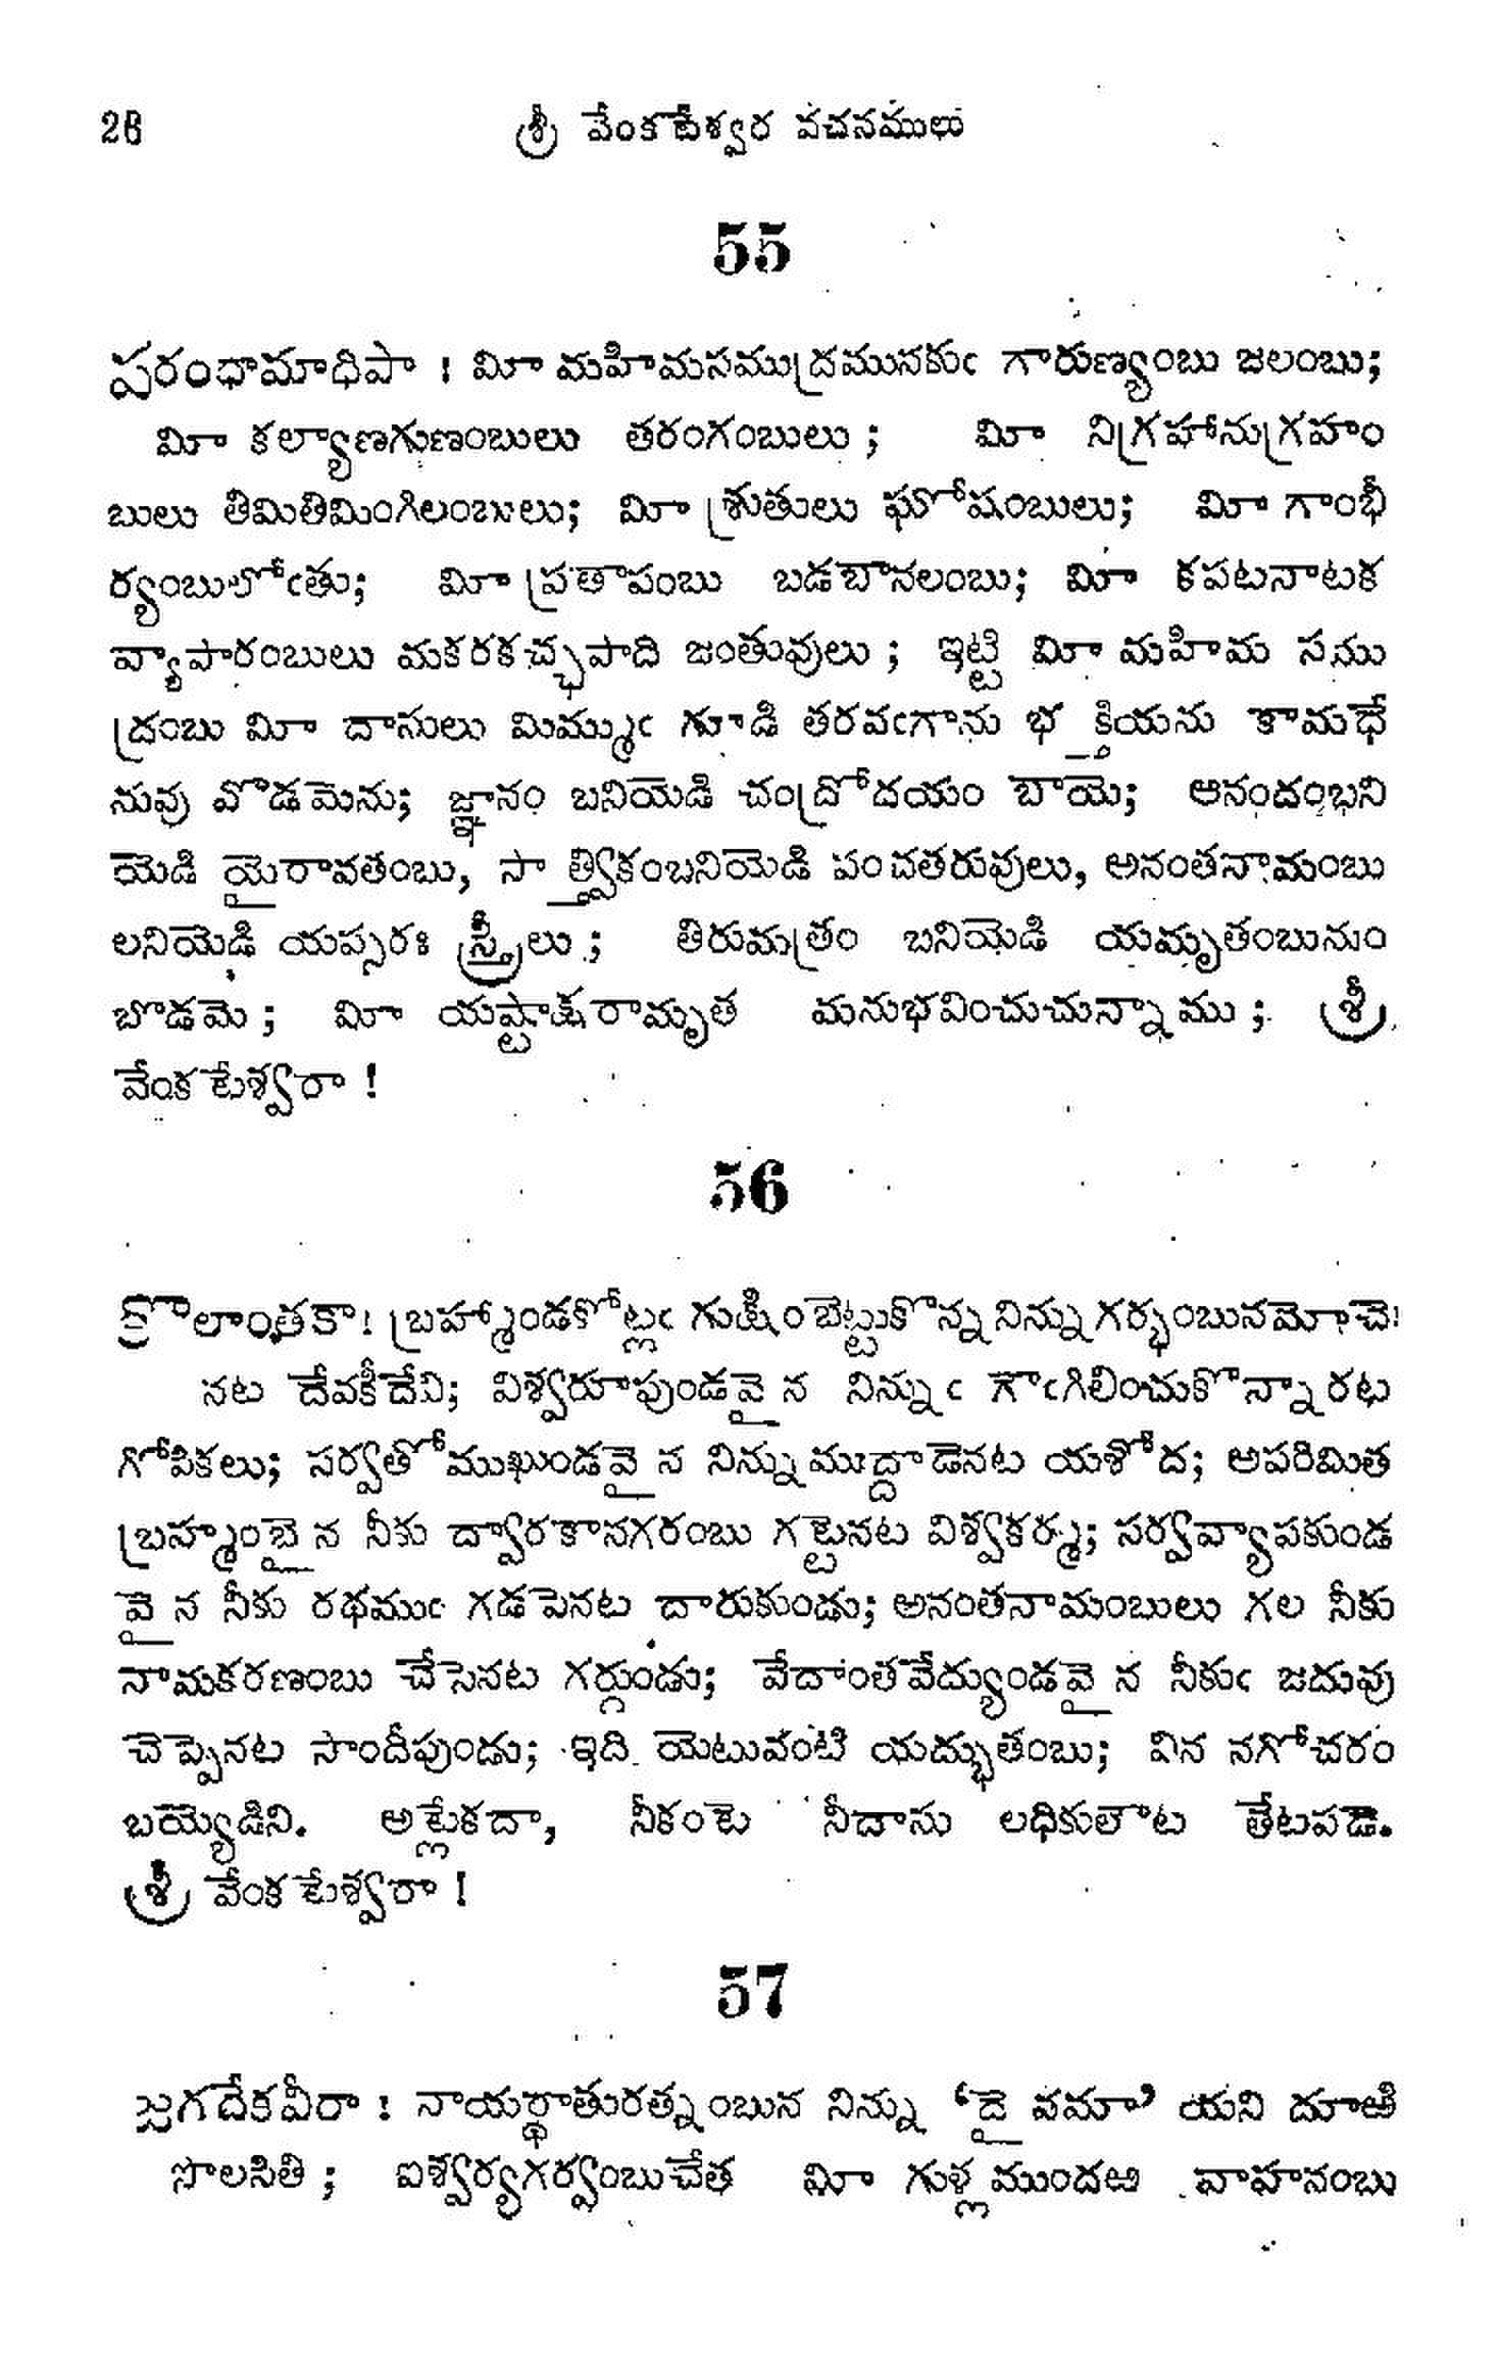55

 ! మీ మహిమసముద్రమునకుఁ గారుణ్యంబు జలంబు; మీ కల్యాణగుణంబులు తరంగంబులు; మీ నిగ్రహానుగ్రహంబులు తిమితిమింగిలంబులు; మీ శ్రుతులు ఘోషంబులు; మీ గాంభీర్యంబులోఁతు; మీ ప్రతాపంబు బడబానలంబు; మీ కపటనాటక వ్యాపారంబులు మకరకచ్చపాది జంతువులు ; ఇట్టి మీ మహిమ సముద్రంబు మీ దాసులు మిమ్ముఁ గూడి తరవఁగాను భక్తియను కామధేనువు వొడమెను; జ్ఞానం బనియెడి చంద్రోదయం బాయె; ఆనందంబని యెడి యైరావతంబు, సాత్త్వికంబనియెడి పంచతరువులు, అనంతనామంబు లనియెడి యప్సరః స్త్రీలు ; తిరుమత్రం బనియెడి యమృతంబునుం బొడమె ; మీ యష్టాక్ష రామృత మనుభవించుచున్నాము ; శ్రీ, వేంకటేశ్వరా ! 

56 

! బ్రహ్మాండకోట్లఁ గుక్షింబెట్టుకొన్న నిన్ను గర్భంబునమోచె నట దేవకీ దేవి; విశ్వరూపుండవైన నిన్నుఁ గౌఁగిలించుకొన్నారట గోపికలు; సర్వతోముఖుండవైన నిన్ను ముద్దాడెనట యశోద; అపరిమిత బ్రహ్మంబైన నీకు ద్వారకానగరంబు గట్టెనట విశ్వకర్మ; సర్వవ్యాపకుండ వైన నీకు రథముఁ గడపెనట దారుకుండు; అనంతనామంబులు గల నీకు నామకరణంబు చేసెనట గర్గుండు; వేదాంత వేద్యుండవైన నీకుఁ జదువు చెప్పెనట సాందీపుండు; ఇది యెటువంటి యద్భుతంబు; విన నగోచరం బయ్యెడిని. అబ్లేకదా, నీకంటె నీదాసు లధికులౌట తేటపడె. శ్రీ వేంకటేశ్వరా !

57 

 ! నాయర్థాతురత్నంబున నిన్ను 'దైవమా' యని దూఱి సొలసితి ; ఐశ్వర్యగర్వంబుచేత ఈ గుళ్ల ముందఱ వాహనంబు